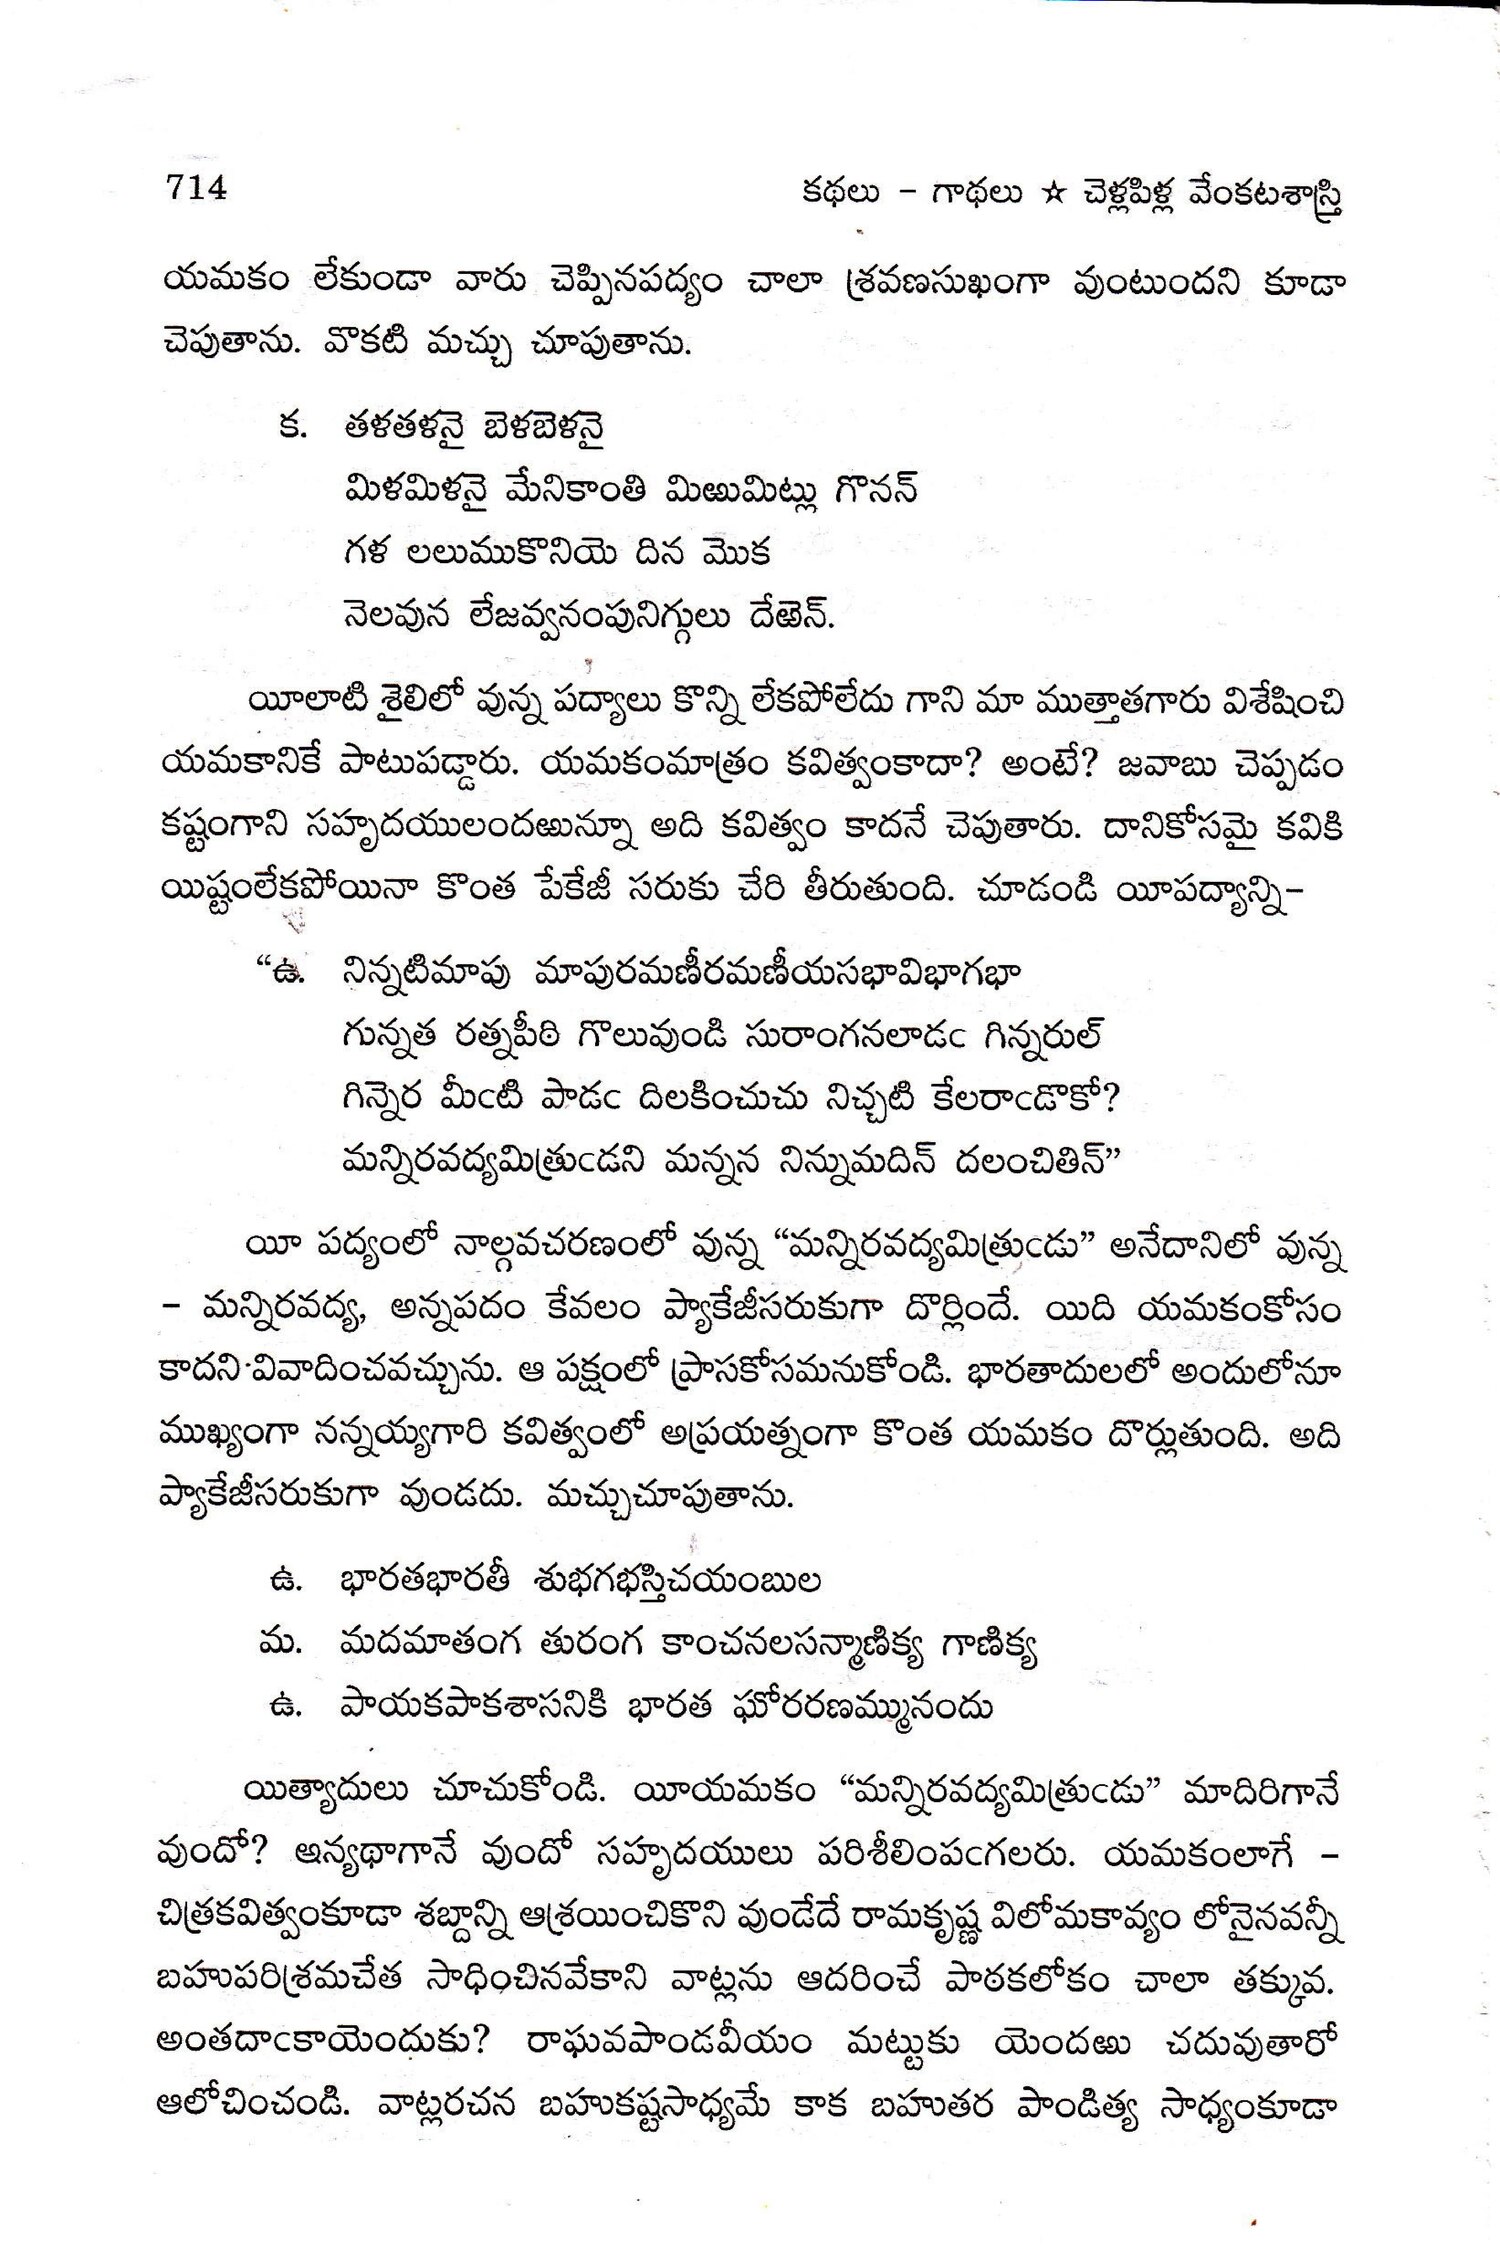యమకం లేకుండా వారు చెప్పినపద్యం చాలా శ్రవణసుఖంగా వుంటుందని కూడా చెపుతాను. వొకటి మచ్చు చూపుతాను.

క. తళతళనై బెళబెళనై
 మిళమిళనై మేనికాంతి మిఱుమిట్లు గొనన్ 
 గళ లలుముకొనియె దిన మొక 
 నెలవున లేజవ్వనంపునిగ్గులు దేఱెన్.
యీలాటి శైలిలో వున్న పద్యాలు కొన్ని లేకపోలేదు గాని మా ముత్తాతగారు విశేషించి యమకానికే పాటుపడ్డారు. యమకంమాత్రం కవిత్వంకాదా? అంటే? జవాబు చెప్పడం కష్టంగాని సహృదయులందఱున్నూ అది కవిత్వం కాదనే చెపుతారు. దానికోసమై కవికి యిష్టంలేకపోయినా కొంత పేకేజీ సరుకు చేరి తీరుతుంది. చూడండి యీపద్యాన్ని

“ఉ. నిన్నటిమాపు మాపురమణీరమణీయసభావిభాగభా
 గున్నత రత్నపీఠి గొలువుండి సురాంగనలాడఁ గిన్నరుల్ 
 గిన్నెర మీఁటి పాడఁ దిలకించుచు నిచ్చటి కేలరాఁడాకో? 
 మన్నిరవద్యమిత్రుఁడని మన్నన నిన్నుమదిన్ దలంచితిన్"
యీ పద్యంలో నాల్గవచరణంలో వున్న “మన్నిరవద్యమిత్రుఁడు" అనేదానిలో వున్న - మన్నిరవద్య, అన్నపదం కేవలం ప్యాకేజీసరుకుగా దొర్లిందే. యిది యమకంకోసం కాదని వివాదించవచ్చును. ఆ పక్షంలో ప్రాసకోసమనుకోండి. భారతాదులలో అందులోనూ ముఖ్యంగా నన్నయ్యగారి కవిత్వంలో అప్రయత్నంగా కొంత యమకం దొర్లుతుంది. అది ప్యాకేజీసరుకుగా వుండదు. మచ్చుచూపుతాను.

ఉ. భారతభారతీ శుభగభస్తిచయంబుల 
మ. మదమాతంగ తురంగ కాంచనలసన్మాణిక్య గాణిక్య 
ఉ. పాయకపాకశాసనికి భారత ఘోరరణమ్మునందు
యిత్యాదులు చూచుకోండి. యీయమకం “మన్నిరవద్యమిత్రుఁడు" మాదిరిగానే వుందో? అన్యథాగానే వుందో సహృదయులు పరిశీలింపఁగలరు. యమకంలాగే - చిత్రకవిత్వంకూడా శబ్దాన్ని ఆశ్రయించికొని వుండేదే రామకృష్ణ విలోమకావ్యం లోనైనవన్నీ బహుపరిశ్రమచేత సాధించినవేకాని వాట్లను ఆదరించే పాఠకలోకం చాలా తక్కువ. అంతదాఁకాయెందుకు? రాఘవపాండవీయం మట్టుకు యెందఱు చదువుతారో ఆలోచించండి. వాట్లరచన బహుకష్టసాధ్యమే కాక బహుతర పాండిత్య సాధ్యంకూడా